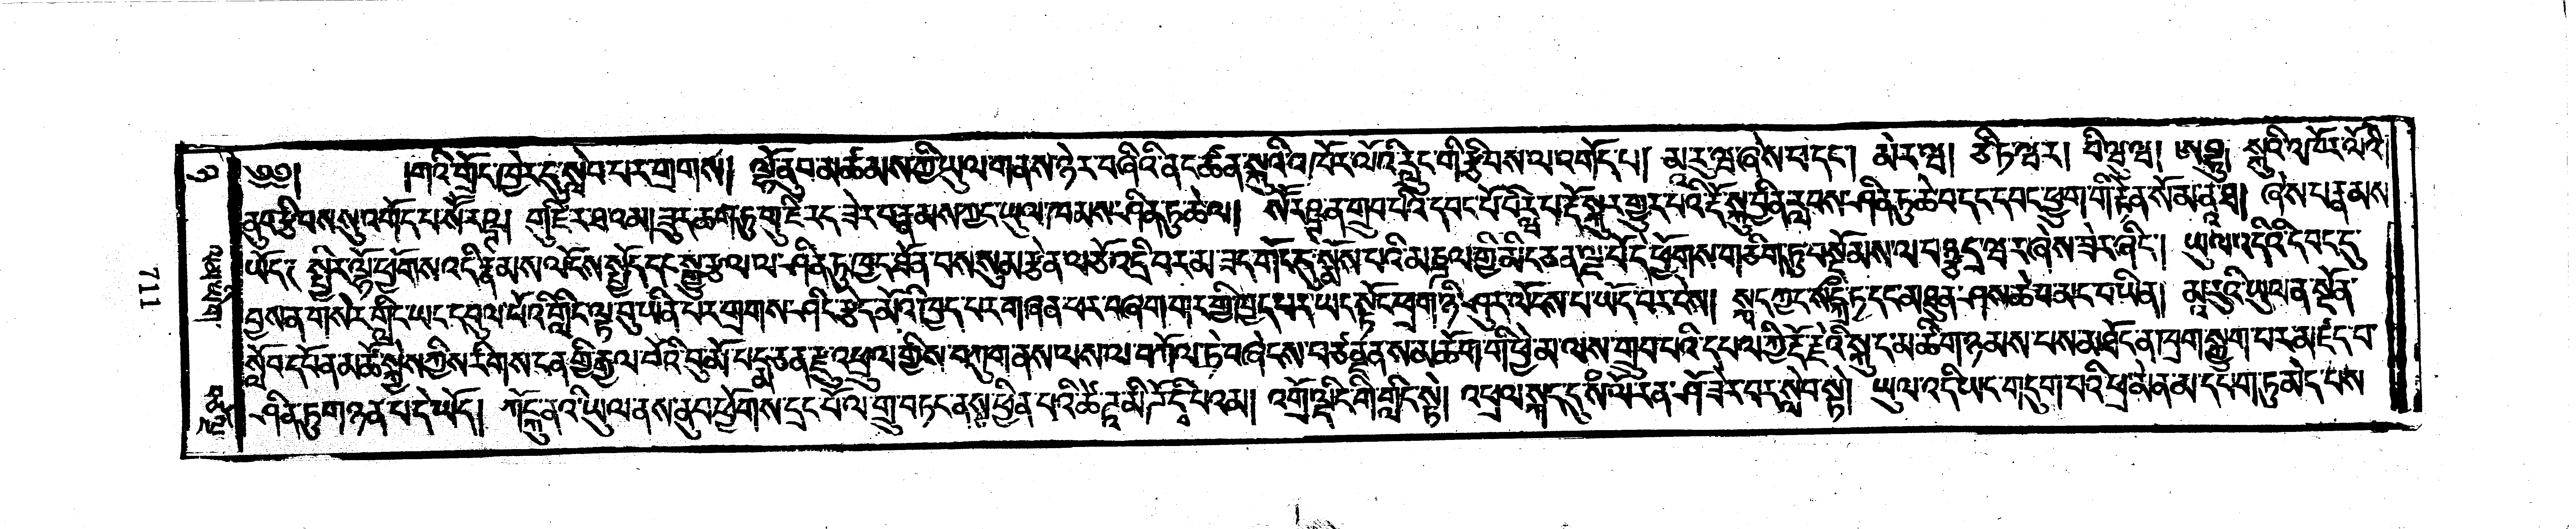༄༅། །གའི་གྲོང་ཁྱེར་དུ་སླེབ་པར་གྲགས། ལྷོ་ནུབ་མཚམས་ཀྱི་ཡུལ་གནས་ཉེར་བཞིའི་ནང་ཚན་སྐུའི་འཁོར་ལོའི་རླུང་གི་རྩིབས་ལ་འགོད་པ། མཱ་རུ་ཝ་ཞེས་པ་དང་། མེར་ཝ། ཙི་ཏ་ཝ་ར། བི་ཝུ་ཝ། ཨབྷུ། སྐུའི་འཁོར་ལོའི་
ནུབ་རྩིབས་སུ་འགོད་པ་སཽ་རྵྚ། གུ་ཇི་ར་ཐ་འམ། ཟུར་ཆག་ཏུ་གུ་ཇི་རང་ཟེར་བ་རྣམས་ཀྱང་ཡུལ་ཁམས་ཤིན་ཏུ་ཆེ་ལ། སཽར་ཥྚ་ན་གྲུབ་པའི་དབང་པོ་བརྭི་བ་རྡོ་སྐུར་གྱུར་པའི་རྡོ་སྐུ་བྱིན་རླབས་ཤིན་ཏུ་ཆེ་བ་དང་དབང་ཕྱུག་གི་རྟེན་སོ་མ་ནཱ་ཐ། ཞེས་པ་རྣམས་
ཡོད༑ སྤྱིར་ལྷོ་ཕྱོགས་འདི་རྣམས་ལོངས་སྤྱོད་དང་སྒྱུ་རྩལ་ལ་ཤིན་ཏུ་ཁྱད་ཐོན་བས་སུམ་རྩེན་ལ་ཅོ་འདྲི་བར་མ་ཟད་གོང་དུ་སྨོས་པའི་མཎྜལ་གྱི་མིང་ཅན་ལྔ་བོ་དེ་ཕྱོགས་གཅིག་ཏུ་བསྡོམས་ལ་པཉྩདྲ་ཝ་ར་ཞེས་ཟེར་ཞིང་། ཡུལ་འདིའི་དབང་དུ་
བྱས་ན་གསེར་གླིང་ཡང་དབུལ་པོའི་གླིང་ལྟ་བུ་ཡིན་པར་གྲགས་ཤིང་རྩེད་མོའི་ཁྱད་པར་གཞན་ཕར་བཞག་གར་གྱི་ཁྱད་པར་ཡང་སྟོང་ཕྲག་ཉི་ཤུར་ལོངས་པ་ཡོད་པར་ངེས། སྐད་ཀྱང་སྀངྐྲ་ཏ་དང་མཐུན་ཤས་ཆེ་བ་མང་པ་ཡིན། མཱ་རུའི་ཡུལ་ན་སྔོན་
སློབ་དཔོན་མཚོ་སྐྱེས་ཀྱིས་རིགས་ངན་གྱི་རྒྱལ་བོའི་བུ་མོ་པདམ་ཅན་རྫུ་འཕྲུལ་གྱིས་བཀུག་ནས་ལས་ལ་བཀོལ་ཏེ་བཞེངས་བཙནྡན་ས་མཆོག་གི་ཕྱེ་མ་ལས་གྲུབ་པའི་དཔལ་ཀྱི་རྡོ་རྗེའི་སྐུ་ད་མ་ཚིག་ཉམས་པས་མཐོང་ན་ཁྲག་སྐྱུག་པར་མཛད་པ་
ཤིན་ཏུ་གཉན་པ་དེ་ཡོད། ཀོངྐུ་ནའི་ཡུལ་ནས་ནུབ་ཕྱོགས་དྲང་པོ་ལ་གྲུ་བཏང་ནས་ཕྱིན་པའི་ཚེ་ཌཱ་མི་ཌོ་དྭི་པའམ། འགྲོ་ལྡིང་གི་གླིང་སྟེ། འཕྲལ་སྐད་དུ་སཾ་ལོ་རན་ཤོ་ཟེར་པར་སླེབ་སྟེ། ཡུལ་འདི་ཡང་གདུག་པའི་ཕྲ་མེན་མ་དཔག་ཏུ་མེད་པས་